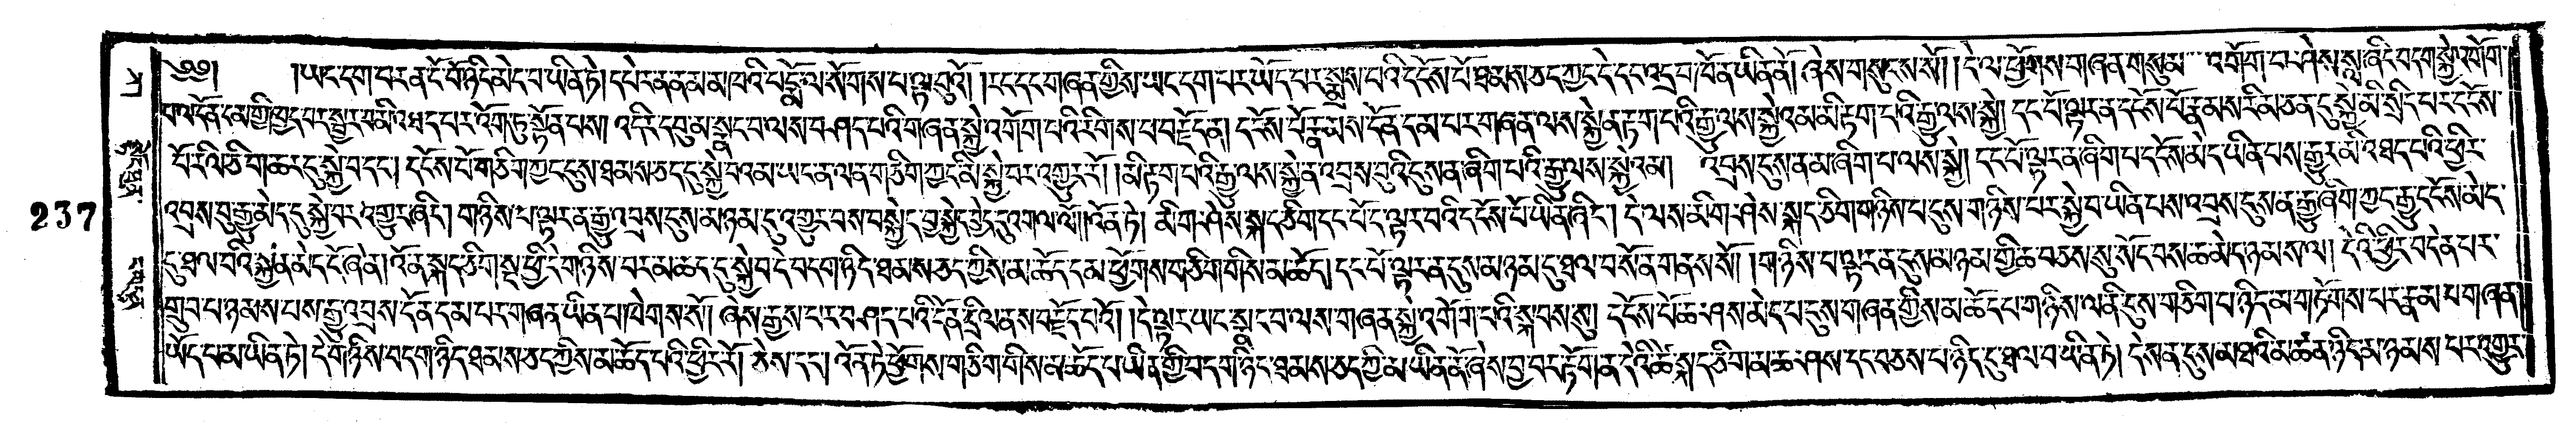༄༅། །ཡང་དག་བར་ན་ངོ་བོ་ཉིད་མེད་པ་ཡིན་ཏེ། དཔེར་ན་ནམ་མཁའི་པདམོ་ལ་སོགས་པ་ལྟ་བུའོ། །རང་དང་གཞན་གྱིས་ཡང་དག་པར་ཡོད་པར་སྨྲས་པའི་དངོས་པོ་ཐམས་ཅད་ཀྱང་དེ་དང་འདྲ་བ་ཁོ་ན་ཡིན་ནོ། ཞེས་གསུངས་སོ། །དེ་ལ་ཕྱོགས་གཞན་གསུམ་འགོག་བ་ཤེས་སླ་ཞིང་བདག་སྐྱེ་འགོག་
བ་ལ་དོན་དམ་གྱི་ཁྱད་པར་སྦྱར་བ་མི་འཐད་པར་འོག་ཏུ་སྟོན་པས། འདིར་དབུ་མ་སྣང་བ་ལས་བཤད་པའི་གཞན་སྐྱེ་འགོག་པའི་རིགས་པ་བརྗོད་ན། དངོས་པོ་རྣམས་དོན་དམ་པར་གཞན་ལས་སྐྱེ་ན་རྟག་པའི་རྒྱུ་ལས་སྐྱེའམ་མི་རྟག་པའི་རྒྱུ་ལས་སྐྱེ། དང་པོ་ལྟར་ན་དངོས་པོ་རྣམས་རིམ་ཅན་དུ་སྐྱེ་མི་སྲིད་པར་དངོས་
པོ་རིལ་ཅིག་ཆར་དུ་སྐྱེ་བ་དང་། དངོས་པོ་གཅིག་ཀྱང་དུས་ཐམས་ཅད་དུ་སྐྱེ་བའམ་ཡང་ན་ལན་གཅིག་ཀྱང་མི་སྐྱེ་བར་འགྱུར་རོ། །མི་རྟག་པའི་རྒྱུ་ལས་སྐྱེ་ན་འབྲས་བུའི་དུས་ན་ཞིག་པའི་རྒྱུ་ལས་སྐྱེའམ། འབྲས་དུས་ན་མ་ཞིག་པ་ལས་སྐྱེ། དང་པོ་ལྟར་ན་ཞིག་པ་དངོས་མེད་ཡིན་པས་རྒྱུར་མི་འཐད་པའི་ཕྱིར་
འབྲས་བུ་རྒྱུ་མེད་དུ་སྐྱེ་བར་འགྱུར་ཞིང་། གཉིས་པ་ལྟར་ན་རྒྱུ་འབྲས་དུས་མཉམ་དུ་འགྱུར་བས་བསྐྱེད་བྱ་སྐྱེད་བྱེད་དུ་འགལ་ལོ། །འོན་ཏེ། མིག་ཤེས་སྐད་ཅིག་དང་པོ་ད་ལྟར་བའི་དངོས་པོ་ཡིན་ཞིང་། དེ་ལས་མིག་ཤེས་སྐད་ཅིག་གཉིས་པ་དུས་གཉིས་པར་སྐྱེ་བ་ཡིན་པས་འབྲས་དུས་ན་རྒྱུ་ཞིག་ཀྱང་རྒྱུ་དངོས་མེད་
དུ་ཐལ་བའི་སྐྱོན་མེད་དོ་ཞེ་ན། འོ་ན་སྐད་ཅིག་སྔ་ཕྱི་དེ་གཉིས་བར་མཆད་དུ་སྐྱེ་བ་དེ་བདག་ཉིད་ཐམས་ཅད་ཀྱིས་མཆོད་དམ་ཕྱོགས་གཅིག་གིས་མ་ཆོད། དང་པོ་ལྟར་ན་དུས་མཉམ་དུ་ཐལ་བ་སོན་གནས་སོ། །གཉིས་པ་ལྟར་ན་དུས་མཉམ་གྱི་ཆ་བཅས་སུ་སོང་བས་ཆ་མེད་ཉམས་ལ། དེའི་ཕྱིར་བདེན་པར་
གྲུབ་པ་ཉམས་པས་རྒྱུ་འབྲས་དོན་དམ་པར་གཞན་ཡིན་པ་ཁེགས་སོ། ཞེས་རྒྱས་པར་བཤད་པའི་དོན་དྲིལ་ནས་བརྗོད་པའོ། །དེ་ལྟར་ཡང་སྣང་བ་ལས་གཞན་སྐྱེ་འགོག་པའི་སྐབས་སུ། དངོས་པོ་ཆ་ཤས་མེད་པ་དུས་གཞན་གྱིས་མཆོད་པ་གཉིས་ལ་ནི་དུས་གཅིག་པ་ཉིད་མ་གཏོགས་པར་རྣམ་པ་གཞན་
ཡོད་པ་མ་ཡིན་ཏེ། དེ་གཉིས་བདག་ཉིད་ཐམས་ཅད་ཀྱིས་མཆོད་པའི་ཕྱིར་རོ། ཅེས་དང་། འོན་ཏེ་ཕྱོགས་གཅིག་གིས་མཆོད་པ་ཡིན་གྱི་བདག་ཉིད་ཐམས་ཅད་ཀྱི་མ་ཡིན་ནོ་ཞེས་བྱ་བར་རྟོག་ན་དེའི་ཚེ་སྐད་ཅིག་མ་ཆ་ཤས་དང་བཅས་པ་ཉིད་དུ་ཐལ་བ་ཡིན་ཏེ། དེས་ན་དུས་མཐའི་མཚན་ཉིད་མཉམས་པར་འགྱུར་